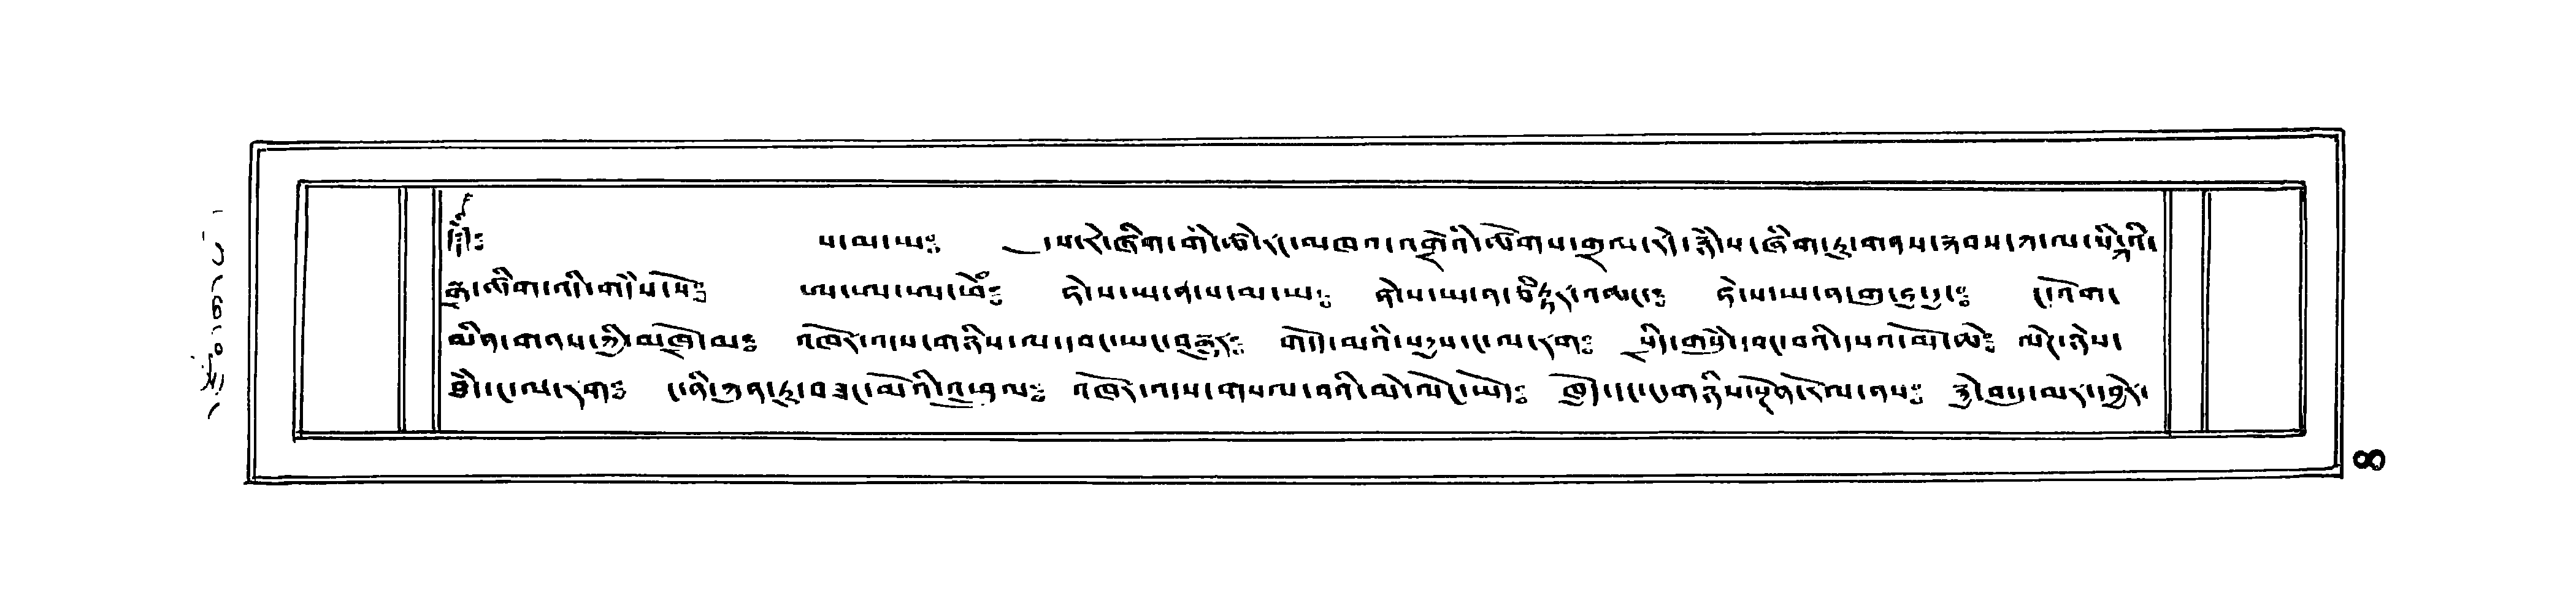༄༅་། ས་མ་ཡ༔ དུས་རེ་ཞིག་གི་ཚེ་རང་མཁའ་འགྲོའི་ཚོགས་གྲལ་རེད་སྙམ་པ་ཞིག་ཏུ་གནས་སྐབས་ཀ་ལ་པིངྐའི་
སྒྲ་ཚིག་འདི་གདམས་སོ༔ ཨ་ཨ་ཨཱཿཕེཾ༔ ཧེ་ས་ཡ་ན་ས་མ་ཡ༔ ཧེ་ས་ཡ་ན་ཙིཏྟར་འཆང༔ ཧེ་ས་ཡ་ན་གུ་ཧྱ་རྒྱ༔ ང་འོག་
མིན་གནས་ཀྱི་མཁའ་འགྲོ་མ༔ འཁོར་འདས་གཉིས་ལ་དབང་ཡང་སྒྱུར༔ གདོད་མའི་སངས་རྒྱས་ང་ལ་རག༔ སྲིད་གསུམ་དབང་བའི་དཔའ་མོ་ཆེ༔ ལེགས་ཉེས་
ཐམས་ཅད་ང་ལ་རག༔ ང་ནི་ཀུན་ཏུ་བཟང་མོའི་འཕྲུལ༔ འཁོར་འདས་གསལ་བའི་མེ་ལོང་ཡོད༔ ཁྱོད་དང་ང་གཉིས་སྔོན་རོལ་ནས༔ སྐྱེ་བ་དུ་མར་དབྱེར་